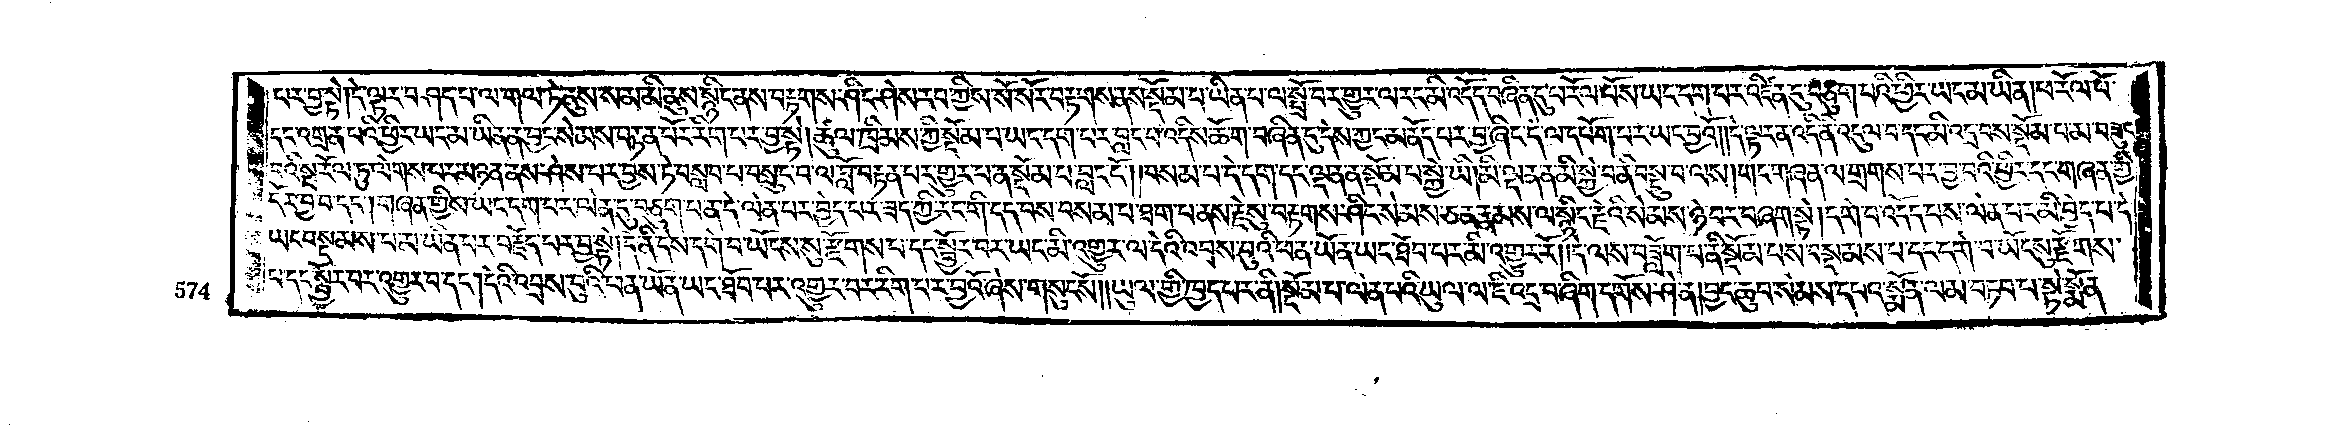པར་བྱ་སྟེ། དེ་ལྟར་བཤད་པ་ལ་གལ་ཏེ་ནུས་སམ་མི་ནུས་སྙིང་ནས་བརྟགས་ཤིང་ཤེས་རབ་ཀྱིས་སོ་སོར་བརྟགས་ནས་སྡོམ་པ་ཡིན་པ་ལ་སྤྲོ་བར་གྱུར་ལ་རང་མི་འདོད་བཞིན་དུ་ཕ་རོལ་པོས་ཡང་དག་པར་འཛིན་དུ་བཅུག་པའི་ཕྱིར་ཡང་མ་ཡིན། ཕ་རོལ་པོ་
དང་འགྲན་པའི་ཕྱིར་ཡང་མ་ཡིན་ན་བྱང་སེམས་བརྟན་པོར་རིག་པར་བྱ་སྟེ། ཚུལ་ཁྲིམས་ཀྱི་སྡོམ་པ་ཡང་དག་པར་བླང་པ་འདིས་ཆོ་ག་བཞིན་དུ་དེས་ཀྱང་མནོད་པར་བྱ་ཞིང་དེ་ལ་དཔོག་པར་ཡང་བྱའོ། །དེ་ལྟར་ན་འདི་ནི་འདུལ་བ་དང་མི་འདྲ་བས་སྡོམ་པ་མ་བཟུང་
བའི་སྔ་རོལ་ཏུ་ལེགས་པར་མཉན་ནས་ཤེས་པར་བྱས་ཏེ་བསླབ་པ་བསྲུང་བ་ལ་བློ་བརྟན་པར་གྱུར་པ་ན་སྡོམ་པ་བླང་ངོ། །བསམ་པ་དེ་དག་དང་ལྡན་ན་སྡོམ་པ་སྐྱེ་ཡི། མི་ལྡན་ན་མི་སྐྱེ་བ་ནི་བསྡུ་བ་ལས། གང་གཞན་ལ་གྲགས་པར་བྱ་བའི་ཕྱིར་དང་གཞན་གྱི་
དོར་བྱ་བ་དང་། གཞན་གྱིས་ཡང་དག་པར་ལེན་དུ་བཅུག་པ་ན་དེ་ལེན་པར་བྱེད་པར་ཟད་ཀྱི་རང་གི་དད་བས་བསམ་པ་ཐག་པ་ནས་རྗེས་སུ་བརྟགས་ཤིང་སེམས་ཅན་རྣམས་ལ་སྙིང་རྗེའི་སེམས་ཉེ་བར་བཞག་སྟེ། དགེ་བ་འདོད་པས་ལེན་པར་མི་བྱེད་པ་དེ་
ཡང་བསྡམས་པ་མ་ཡིན་པར་བརྗོད་པར་བྱ་སྟེ། དེ་ནི་དེས་དགེ་བ་ཡོངས་སུ་རྫོགས་པ་དང་སྦྱོར་བར་ཡང་མི་འགྱུར་ལ་དེའི་འབྲས་བུའི་ཕན་ཡོན་ཡང་ཐོབ་པར་མི་འགྱུར་རོ། །དེ་ལས་བཟློག་པ་ནི་སྡོམ་པས་བསྡམས་པ་དང་དགེ་བ་ཡོངས་སུ་རྫོགས་
པ་དང་སྦྱོར་བར་འགྱུར་བ་དང་། དེའི་འབྲས་བུའི་ཕན་ཡོན་ཡང་ཐོབ་པར་འགྱུར་བར་རིག་པར་བྱའོ་ཞེས་གསུངས་སོ། །ཡུལ་གྱི་ཁྱད་པར་ནི། སྡོམ་པ་ལེན་པའི་ཡུལ་ལ་ཇི་འདྲ་བ་ཞིག་དགོས་ཤེ་ན། བྱང་ཆུབ་སེམས་དཔའ་སྨོན་ལམ་བཏབ་པ་སྟེ་སྨོན་